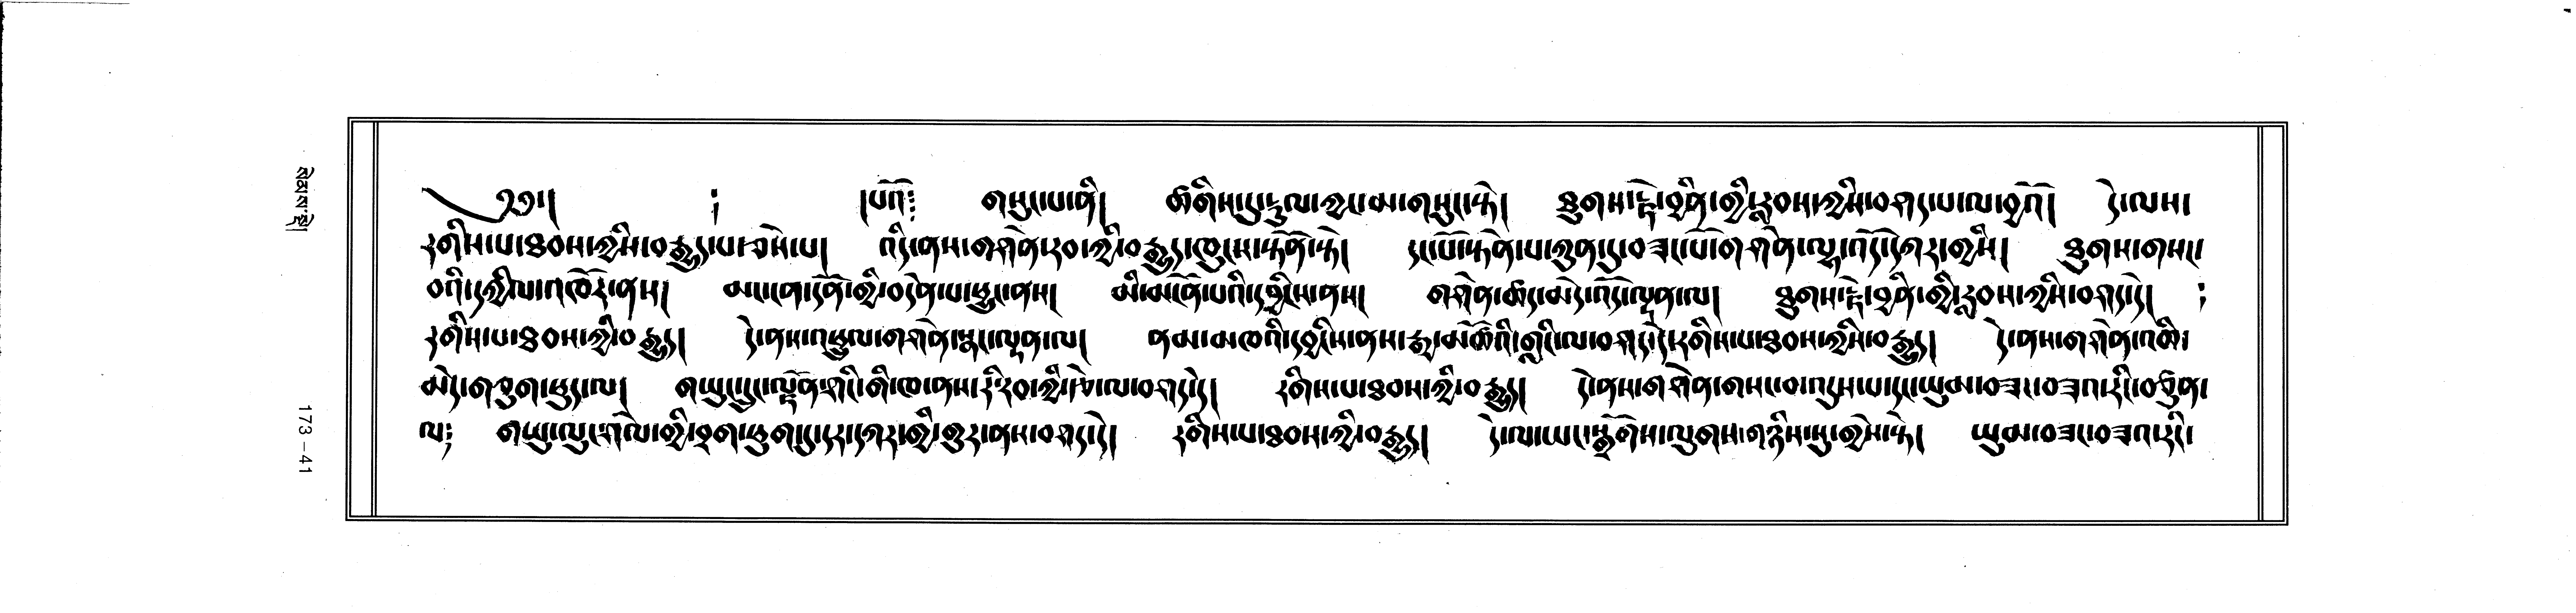པའོ། གསུངས་པ་ནི། ཚིག་ཏུ་རྡུལ་ཀྱང་མ་གསུངས་ཏེ། ཐུགས་རྗེ་བྱིན་གྱི་རླབས་ཀྱིས་བཤད་པ་ལ་བྱའོ། །དེ་ལས་
རིག་པ་ཐབས་ཀྱིས་བརྒྱུད། ཅེས་པ། འདི་ནས་གཤེན་རབ་ཀྱི་རྒྱུད་ཁུངས་སྟོན་ཏེ། དང་པོ་སྟོན་པ་ཀུན་ཏུ་བཟང་པོ་གཤེན་ལྷ་འོད་དཀར་གྱིས། ཐུགས་གསང་
བའི་དཀྱིལ་འཁོར་ནས། མན་ངག་དོན་གྱི་བདེན་པ་ཕྱུང་ནས། མི་མངོན་པའི་དབྱིངས་ནས། གཤེན་ཚད་མེད་འོད་ལྡན་ལ། ཐུགས་རྗེ་བྱིན་གྱིས་རླབས་ཀྱིས་བཤད་དེ། 
རིག་པ་ཐབས་ཀྱིས་བརྒྱུད། དེ་ནས་འཕྲུལ་གཤེན་སྣང་ལྡན་ལ། ནམ་མཁའི་དབྱིངས་ནས་རྒྱ་མཚོའི་གླིང་ལ་བཤད་དེ་རིག་པ་ཐབས་ཀྱིས་བརྒྱུད། དེ་ནས་གཤེན་འཆི་
མེད་གཙུག་ཕུད་ལ། གཡུང་དྲུང་ལྗོན་ཤིང་གི་ཁ་ནས་རི་རབ་ཀྱི་རྩེ་ལ་བཤད་དེ། རིགས་པ་ཐབས་ཀྱིས་བརྒྱུད། དེ་ནས་གཤེན་གསང་བ་འདུས་པ་དང་ཡུམ་བཟང་ཟ་རིང་བཙུན་
ལ། གཡུ་ལུང་ཤེལ་གྱི་བྲག་ཕུག་ཏུ་དར་དཀར་གྱི་གུར་ནས་བཤད་དེ། རིགས་པ་ཐབས་ཀྱིས་བརྒྱུད། དེ་ལ་ཡང་སྒྲོགས་ལུགས་གཉིས་སུ་གྱེས་ཏེ། ཡུམ་བཟང་ཟ་རིང་